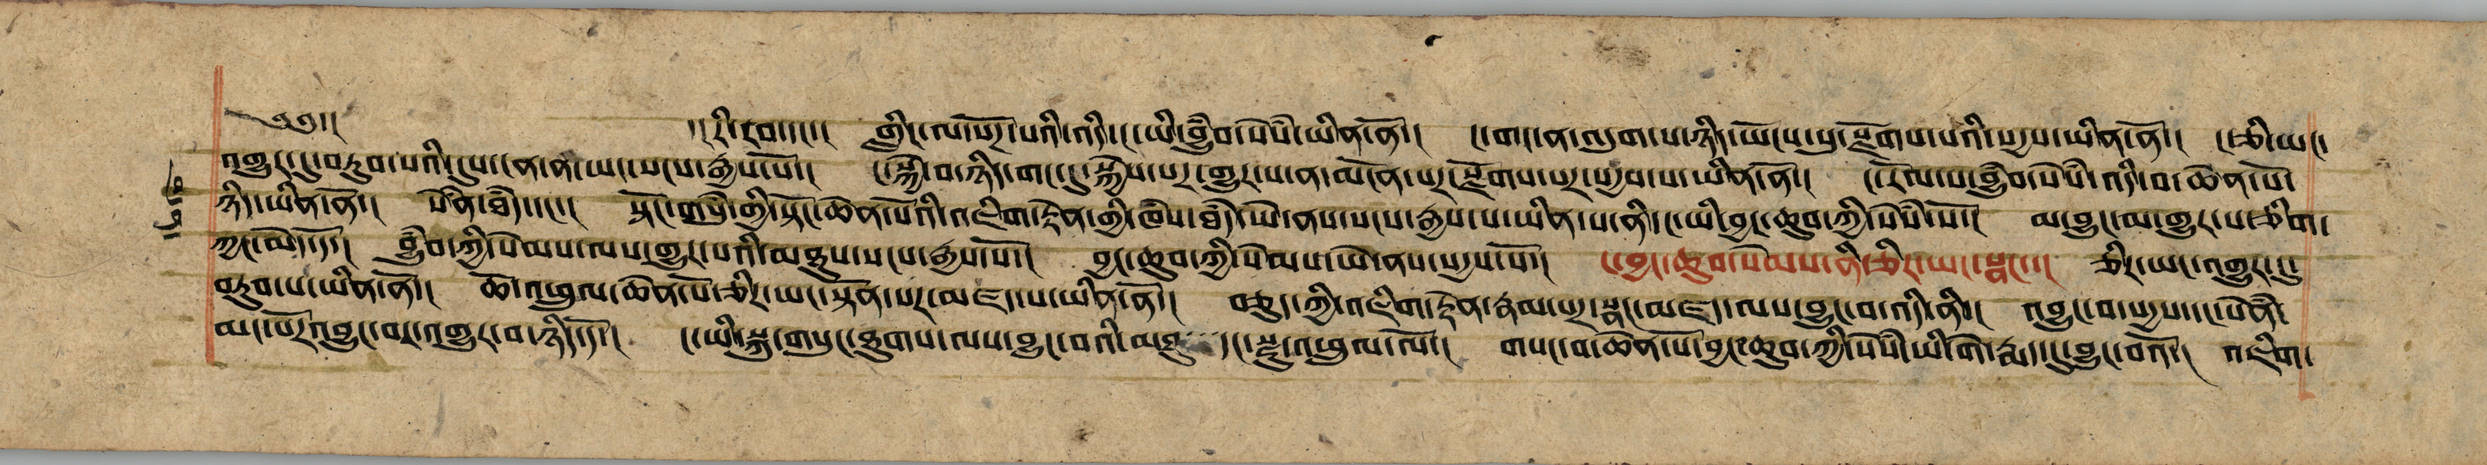༄༅་། ་།རི་རབ་དང་་། གླིང་ལ་སོཌ་པའི་འདི་ང་ཡི་བྱུཾབ་སེསཾ་ཡིན་ནོ་། ང་གང་ན་འདུག་པ་ཉིད་ཡོངས་སུ་སྫོགས་པའི་སདྱས་ཡིན་ནོ་། ང་ཅི་མང་
འགྱུར་དུ་བཏུབ་པའི་དུས་ངན་ན་ཡང་སངས་རྒྱས་སོ་། ང་སྐྱེ་བ་ཉིད་གང་དུ་སྐྱེས་པར་གྱུར་པ་ན་མངོན་པར་སྫོགས་པར་སདྱས་པ་ཡིན་ནོ་། ང་རོལ་པ་བྱུཾབ་སེསཾ་འདི་བ་ཆེན་པོ་
ཉིད་ཡིན་ནོ་། སེནཾ་ཐཾད་དང་། སྟོང་གསུཾ་གྱི་སྟོང་ཆེན་པོའི་འཇིག་རྟེན་གྱི་ཁཾས་ཐཾད་ཡེ་ནས་སངས་རྒྱས་པ་ཡིན་པ་ནི་ང་ཡི་བྱང་ཆུབ་ཀྱི་སེསཾ་སོ་། མབྱུང་མ་གྱུར་པ་ཅིག་
ཀྱང་མེད་དོ་། བྱུཾབ་ཀྱི་སེམས་ལས་གྱུར་པའི་མཐུས་སངས་རྒྱས་སོ་། བྱང་ཆུབ་གྱི་སེམས་ཡེ་ནས་སདྱས་སོ་། ང་བྱང་ཆུབ་སེམས་ནི་ཅིར་ཡང་སྣང་་། ཅིར་ཡང་འགྱུར་དུ་
བཏུབ་པ་ཡིན་ནོ་། ཆོ་འཕྲུལ་ཆེན་པོ་ཅིར་ཡང་སྟོན་པར་མཛད་པ་ཡིན་ནོ་། བཅུད་ཀྱི་འཇིག་རྟེན་རྣམ་པར་སྣང་མཛད་ལས་བྱུང་བ་འདི་ནི་། འབྱུང་བ་སདྱས་དང་སེཾན་
མང་པོར་འབྱུང་བར་འགྱུར་བ་ཉིད་དོ་། ང་ཡི་སྐུ་གསུང་ཐུགས་ལས་བྱུང་བའི་མཐུ་དང་སྫུ་འཕྲུལ་ལོ་། གསང་བ་ཆེན་པོ་བྱང་ཆུབ་ཀྱི་སེཾས་ཡི་གེ་རྨད་དུ་བྱུང་བའོ་། འཇིག་